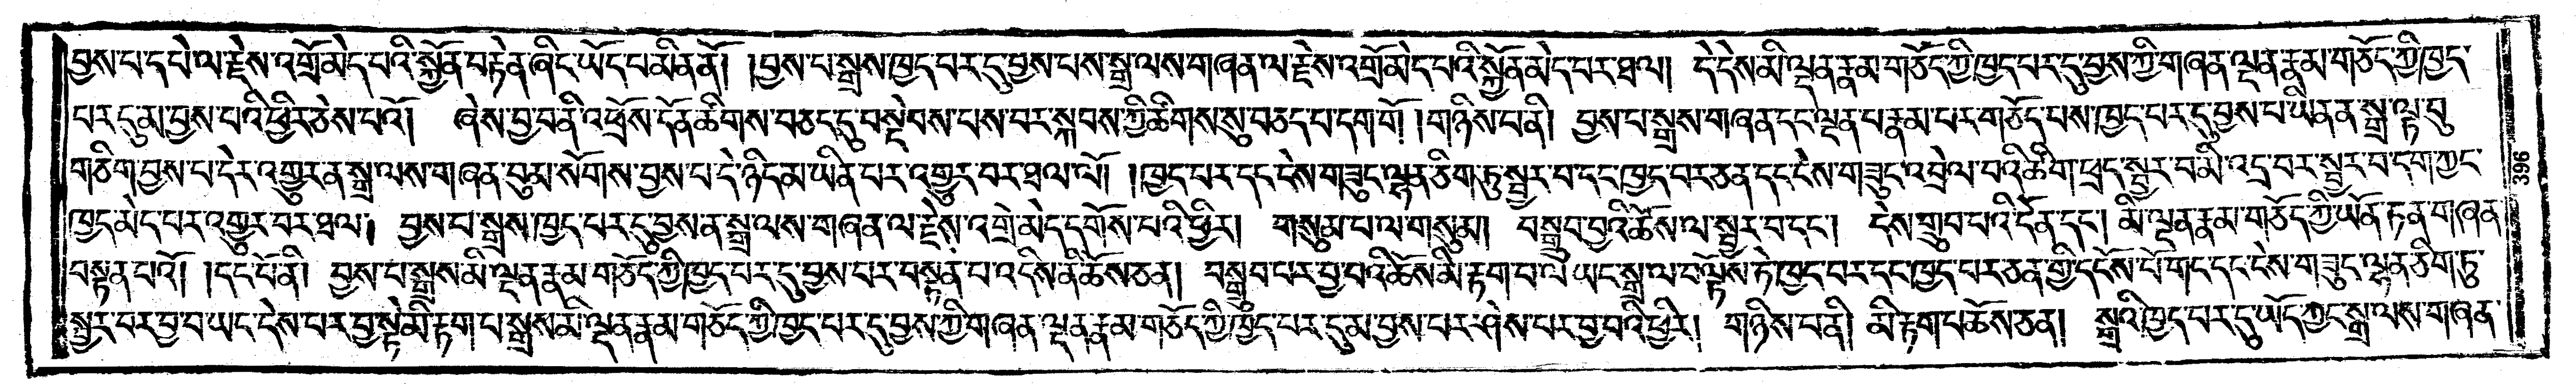བྱས་པ་དཔེ་ལ་རྗེས་འགྲོ་མེད་པའི་སྐྱོན་བརྟེན་ཞིང་ཡོད་པ་མིན་ནོ། །བྱས་པ་སྒྲས་ཁྱད་པར་དུ་བྱས་པས་སྒྲ་ལས་གཞན་ལ་རྗེས་འགྲོ་མེད་པའི་སྐྱོན་མེད་པར་ཐལ། དེ་དེས་མི་ལྡན་རྣམ་གཅོད་ཀྱི་ཁྱད་པར་དུ་བྱས་ཀྱི་གཞན་ལྡན་རྣམ་གཅོད་ཀྱི་ཁྱད་
པར་དུ་མ་བྱས་པའི་ཕྱིར་ཅེས་པའོ། ཞེས་བྱ་བ་ནི་འཕྲོས་དོན་ཚིགས་བཅད་དུ་བསྡེབས་པས་བར་སྐབས་ཀྱི་ཚིགས་སུ་བཅད་པ་དག་གོ །གཉིས་པ་ནི། བྱས་པ་སྒྲས་གཞན་དང་ལྡན་པ་རྣམ་པར་གཅོད་པས་ཁྱད་པར་དུ་བྱས་པ་ཡིན་ན་སྒྲ་ལྟ་བུ་
གཅིག་བྱས་པ་དེར་འགྱུར་ན་སྒྲ་ལས་གཞན་བུམ་སོགས་བྱས་པ་དེ་ཉིད་མ་ཡིན་པར་འགྱུར་བར་ཐལ་ལོ། །ཁྱད་པར་དང་ངེས་གཟུང་ལྷན་ཅིག་ཏུ་སྦྱར་བ་དང་ཁྱད་པར་ཅན་དང་ངེས་གཟུང་འབྲེལ་བའི་ཚིག་ཕྲད་སྦྱར་བ་མི་འདྲ་བར་སྦྱར་བ་དག་ཀྱང་
ཁྱད་མེད་པར་འགྱུར་བར་ཐལ། བྱས་པ་སྒྲས་ཁྱད་པར་དུ་བྱས་ན་སྒྲ་ལས་གཞན་ལ་རྗེས་འགྲེ་མེད་དགོས་པའི་ཕྱིར། གསུམ་པ་ལ་གསུམ། བསྒྲུབ་བྱའི་ཆོས་ལ་སྦྱར་བ་དང་། དེས་གྲུབ་པའི་དོན་དང་། མི་ལྡན་རྣམ་གཅོད་ཀྱི་ཡོན་ཏན་གཞན་
བསྟན་པའོ། །དང་པོ་ནི། བྱས་པ་སྒྲས་མི་ལྡན་རྣམ་གཅོད་ཀྱི་ཁྱད་པར་དུ་བྱས་པར་བསྟན་པ་འདིས་ནི་ཆོས་ཅན། བསྒྲུབ་པར་བྱ་བའི་ཆོས་མི་རྟག་པ་ལ་ཡང་སྒྲ་ལ་བལྟོས་ཏེ་ཁྱད་པར་ཅན་གྱི་དངོས་པོ་གང་དང་ངེས་གཟུང་ལྷན་ཅིག་ཏུ་
སྦྱར་བར་བྱ་བ་ཡང་དེས་པར་བྱ་སྟེ་མི་རྟག་པ་སྒྲས་མི་ལྡན་རྣམ་གཅོད་ཀྱི་ཁྱད་པར་དུ་བྱས་ཀྱི་གཞན་ལྡན་རྣམ་གཅོད་ཀྱི་ཁྱད་པར་དུ་མ་བྱས་པར་ཤེས་པར་བྱ་བའི་ཕྱིར། གཉིས་པ་ནི། མི་རྟག་པ་ཆོས་ཅན། སྒྲའི་ཁྱད་པར་དུ་ཡོད་ཀྱང་སྒྲ་ལས་གཞན་